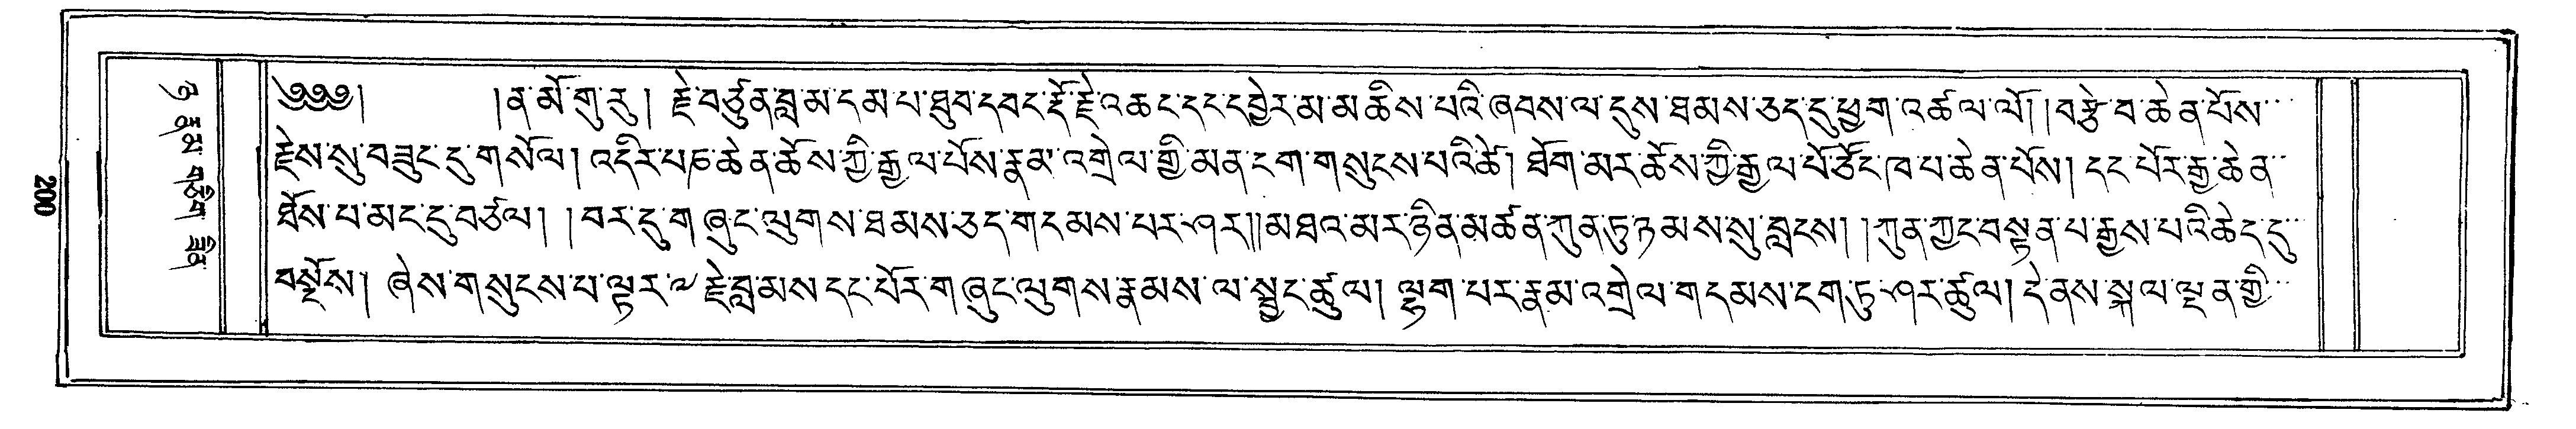༄༅༅། །ན་མོ་གུ་རུ། རྗེ་བཙུན་བླ་མ་དམ་པ་ཐུབ་དབང་རྡོ་རྗེ་འཆང་དང་དབྱེར་མ་མཆིས་པའི་ཞབས་ལ་དུས་ཐམས་ཅད་དུ་ཕྱག་འཚལ་ལོ། །བརྩེ་བ་ཆེན་པོས་
རྗེས་སུ་བཟུང་དུ་གསོལ། འདིར་པཎ་ཆེན་ཆོས་ཀྱི་རྒྱལ་པོས་རྣམ་འགྲེལ་གྱི་མན་ངག་གསུངས་པའི་ཚེ། ཐོག་མར་ཆོས་ཀྱི་རྒྱལ་པོ་ཙོང་ཁ་པ་ཆེན་པོས། དང་པོར་རྒྱ་ཆེན་
ཐོས་པ་མང་དུ་བཙལ། །བར་དུ་གཞུང་ལུགས་ཐམས་ཅད་གདམས་པར་ཤར། །མཐའ་མར་ཉིན་མཚན་ཀུན་ཏུ་ཉམས་སུ་གླངས། །ཀུན་ཀྱང་བསྟན་པ་རྒྱས་པའི་ཆེད་དུ་
བསྔོས། ཞེས་གསུངས་པ་ལྟར ༧རྗེ་བླ་མས་དང་པོར་གཞུང་ལུགས་རྣམས་ལ་སྦྱང་ཚུལ། ལྷག་པར་རྣམ་འགྲེལ་གདམས་ངག་ཏུ་ཤར་ཚུལ། དེ་ནས་སྐལ་ལྡན་གྱི་